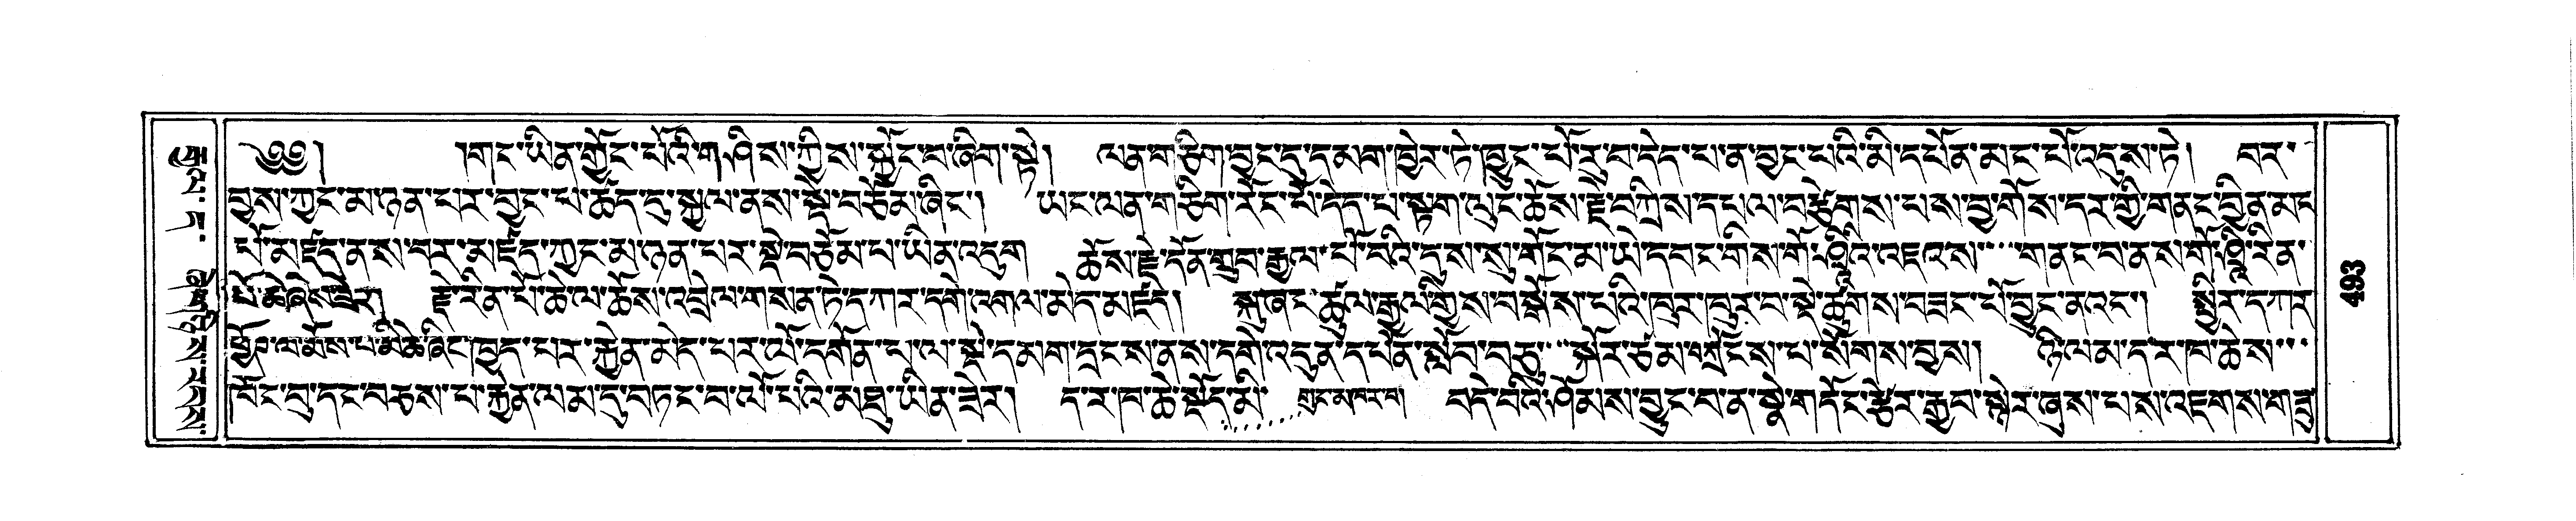༄༅། །གང་ཡིན་གྱོང་པོའི་གཤིས་ཀྱིས་སྐྱོང་བ་ཞིག་སྟེ། ལན་གཅིག་བྱང་དུ་དམག་ཁྱེར་ཏེ་ཁྱུང་པོ་རུ་བ་དེད་པ་ན་བྱང་པའི་མི་དཔོན་མང་པོ་འདུས་ཏེ། བར་
བྱས་ཀྱང་མ་ཉན་པར་བྱང་པ་ཚད་དུ་སྐྱལ་ནས་སྡེ་བཅོམ་ཞིང་། ཡང་ལན་གཅིག་རོང་པོ་དེད་པ་སྟག་ལུང་ཆོས་རྗེ་བཀྲིས་དཔལ་བརྩེགས་པས་བྱ་གོས་དར་གྱི་གནང་བྱིན་མང་
པོ་མཛད་ནས་བར་མཛད་ཀྱང་མ་ཉན་པར་སྡེ་བཅོམ་པ་ཡིན་འདུག་ཆོས་རྗེ་དོན་གྲུབ་རྒྱལ་པོ་བའི་དུས་སུ་གོང་མ་ཡེ་དབང་གིས་གོ་ཤྲཱིའི་འཇའ་ས་གནང་བ་ནས་གོ་ཤྲཱི་རིན་
པོ་ཆེ་ཞེས་ཟེར། རྗེ་རིན་པོ་ཆེ་ལ་ཆོས་འབྲེལ་གསན་ཏེ་དཀར་དགེ་འགལ་མེད་མཛད། སྐུ་ཞང་ཚུལ་རྒྱལ་གྱིས་བསྒོས་པའི་ཁུར་ཁུར་བ་སྡེ་ཚུགས་བཟང་པོ་བྱུང་ནའང་། སྤྱིར་དཀར་
ཕྱོཌ་ལ་མོས་པ་མི་ཆེ་ཞིང་ཁྱད་པར་རྐྱེན་མེད་པར་ལོ་དགོན་པ་ལ་སྡེ་དམག་དྲངས་ནས་དགེ་འདུན་དཔོན་སློབ་བཅུ་སྐོར་ཙམ་བཀྲོངས་པ་སོགས་བྱས། ཉི་ལམ་དར་ཁ་ཆེས་
ཁོང་བུ་དང་བཅས་པ་རྐྱེན་ལམ་དུ་བཏང་བ་ལོ་པའི་མཐུ་ཡིན་ཟེར། ད་ར་ཁ་ཆེ་སྡོད་མི་གུང་མཁར་བ།  བདེ་བའི་ཤོམས་བྱུང་བ་ན་སྣེ་གདོང་རྩེར་རྒྱབ་སྙེར་ཞུས་པས་འཇགས་གཟུ་